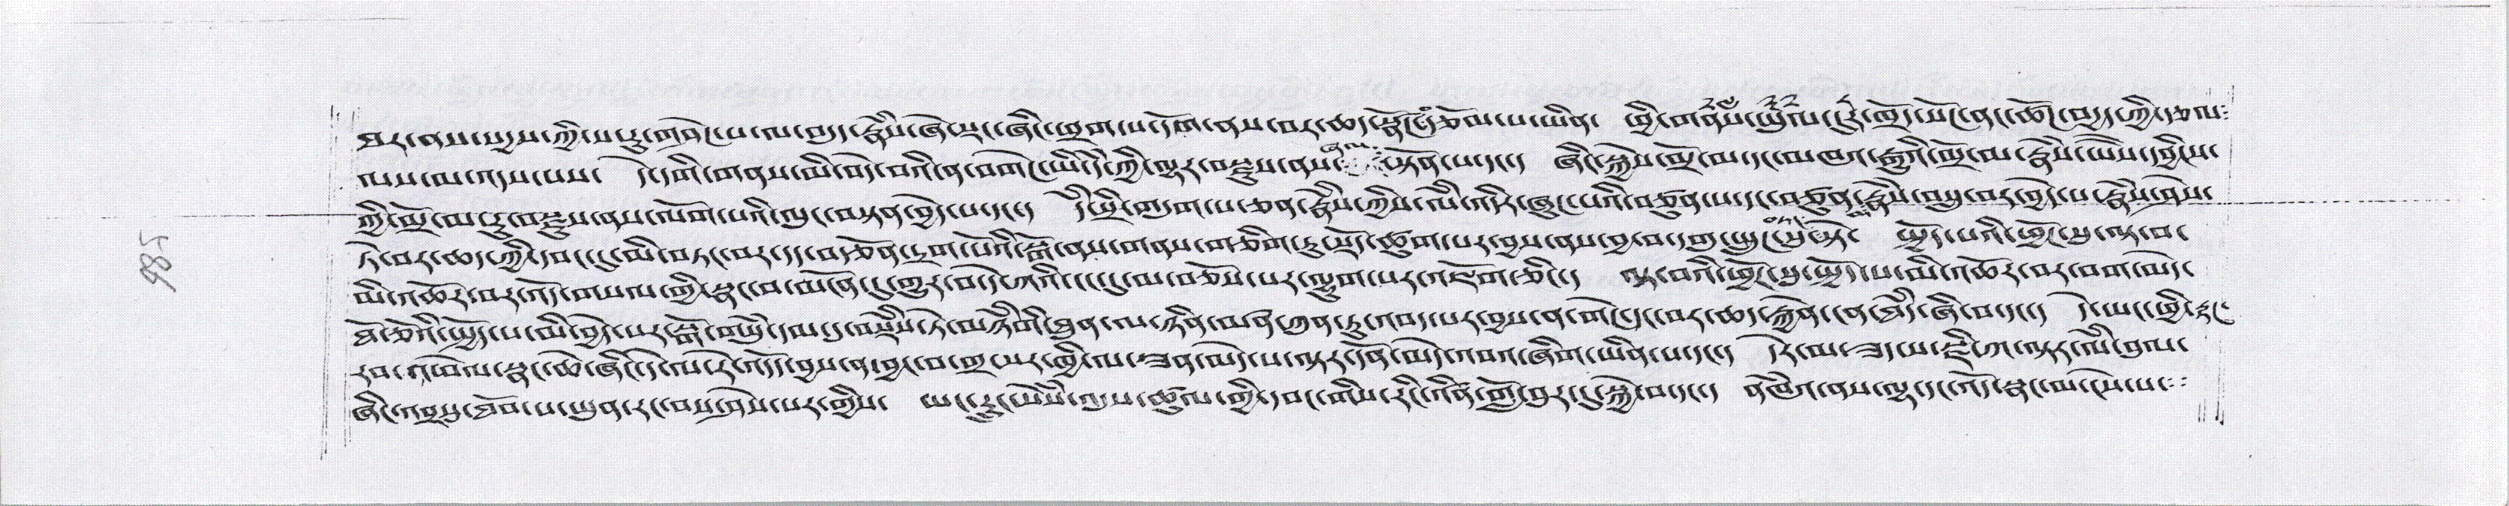ཐར་ནས་སངས་རྒྱས་ཀྱི་ས་རུ་གཤེགས་པ་ལ་བདུད་རྣམས་ཞེ་སྡང་ཞིང་ཕྲག་པ་དོག་ནས་བར་ཆད་སྣ་ཚོགས་བརྩམ་པ་ཡིན། ཕྱི་གནས་ཡུལ་དུར་ཁྲོད་སོགས་ནང་ཚོགས་བརྒྱད་ཀྱི་རྩལ་
ལས་མ་འདས་པས། དེ་དག་གི་གནས་མི་བདེ་བའི་ན་བགེགས་ཡི་དམ་གྱི་ལྷར་བརྫུས་ནས་ཞལ་སྟོན་པ་དང་། ཞིང་སྐྱེས་མཁའ་འགྲོ་མ་དང་མཁའ་རྒྱུའི་མཁའ་འགྲོ་མ་རྣམས་ཡེ་ཤེས་དབྱིངས་
ཀྱི་མཁའ་འགྲོ་མ་རུ་བརྫུས་ནས་ལོག་པའི་ལུང་བསྟན་བྱེད་པ་དང་། དམ་སྲི་གདུག་པ་ཅན་རྣམས་ཀྱིས་ལམ་འདིར་ཞུགས་པའི་བཙུན་པ་དང་བཙུན་མ་རྣམས་བསླུ་བར་བྱེད་པ་རྣམ་ཤེས་
ཏེ་བར་ཆད་ཀྱི་དབང་དུ་མི་གཏོང་བར་དད་བརྩོན་དྲག་པོའི་སྒོ་ནས་གནས་གཅིག་ཏུ་སྡོད་ཚུགས་པར་བྱས་ནས་བྱ་བ་དགུས་སྤྲུགས་སུ་༼བས༽སྟེ། སྤྱོད་པའི་ཕྱོགས་སུ་ལྟ་བ་
མི་འཆོར་བར་འོད་གསལ་གྱི་སྣང་བ་མངོན་དུ་གྱུར་པ་དེ་ཀའི་ངང་དུ་མ་བཅོས་པ་ལྷུག་པར་འཇོག་ཅིང་། ལྟ་བའི་ཕྱོགས་སུ་སྤྱོད་པ་མི་འཆོར་བར་བག་མེད་
ཐོ་ཅོའི་སྤྱོད་པ་མི་བྱེད་པར་སྒོ་གསུམ་དམ་དུ་བསྡམས་ཏེ་མཉམ་གཞག་ཐུན་ལ་ཉིན་མཚན་ཀུན་ཏུ་འབད་པར་བྱས་ན་གེགས་དང་བར་ཆད་རྐྱེན་ངན་ཐམས་ཅད་ཞི་བ་དང་། དེ་ཡང་ཕྱི་རྟགས་
རབ་འཕེལ་སྣང་ཆེ་ཞིང་དེ་ལ་རེ་འདོད་བྱས་ན་བྱང་བ་གྲ་སར་ཁྱི་ལ་ཟན་མེད་པ་ལྟར་དོན་མེད་འབའ་ཞིག་ཡིན་པ་དང་། དེར་མ་ཟད་ས་རྫི་ཀ་ལྟར་ལམ་བུལ་
ཞིང་འབྲས་བུ་ཐོབ་པ་ཡུན་རིང་བས་ཤེས་པར་གྱིས། ཡང་རླུང་སེམས་འདུས་ཚུལ་གྱི་དབང་གིས་ཏིང་འཛིན་གློ་བུར་དུ་སྐྱེ་བ་དང་། ནམ་མཁའ་ནས་ལྷ་དང་འོད་སྣང་མ་ངེས་པ་